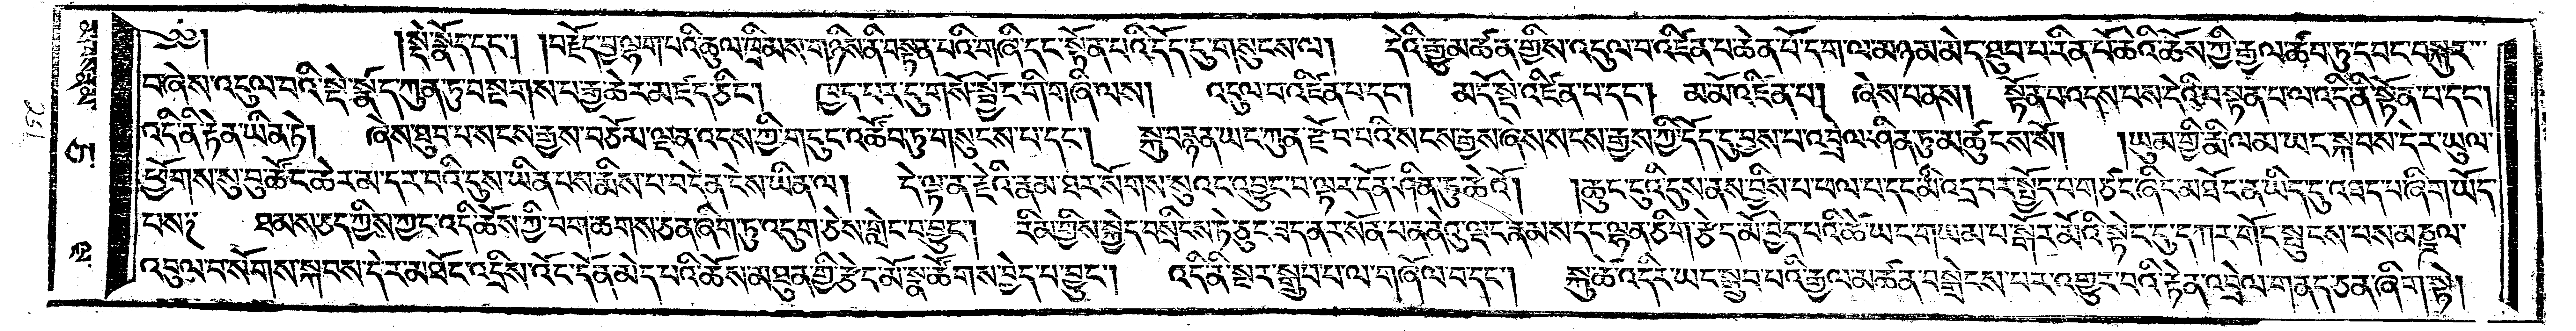༄༅། །སྡེ་སྣོད་དང་། །བརྗོད་བྱ་ལྷག་པའི་ཚུལ་ཁྲིམས་གཉིས་ནི་བསྟན་པའི་གཞི་དང་སྟོན་པའི་དོད་དུ་གསུངས་ལ། དེའི་རྒྱུ་མཚན་གྱིས་འདུལ་བ་འཛིན་པ་ཆེན་པོ་དག་ལ་མཉམ་མེད་ཐུབ་པ་རིན་པོ་ཆེའི་ཆོས་ཀྱི་རྒྱལ་ཚབ་ཏུ་དབང་བསྐུར་
བ་ཞེས་འདུལ་བའི་སྡེ་སྣོད་ཀུན་ཏུ་བསྔགས་པ་རྒྱ་ཆེར་མཛད་ཅིང་། ཁྱད་པར་དུ་གསོ་སྦྱོང་གི་གཞི་ལས། འདུལ་བ་འཛིན་པ་དང་། མདོ་སྡེ་འཛིན་པ་དང་། མ་མོ་འཛིན་པ། ཞེས་པ་ནས། སྟོན་བ་འདས་པས་དེའི་བསྟན་པ་ལ་འདི་ནི་སྟོན་པ་དང་།
འདི་ནི་རྟེན་ཡིན་ཏེ། ཞེས་ཐུབ་པས་སངས་རྒྱས་བཅོམ་ལྡན་འདས་ཀྱི་གདུང་འཚོབ་ཏུ་གསུངས་པ་དང་། སྐུ་བརྙན་ཡང་ཀུན་རྫོབ་པའི་སངས་རྒྱས་ཞེས་སངས་རྒྱས་ཀྱི་སྣོད་དུ་བྱས་པ་འབྲེལ་ཤིན་ཏུ་མཚུངས་སོ། །ཡུམ་གྱི་རྨི་ལམ་ཡང་སྐབས་དེར་ཡུལ་
ཕྱོགས་སུ་བུ་ཚོང་ཆེར་མ་དན་བའི་དུས་ཡིན་པས་རྨིས་པ་བདེན་ངེས་ཡིན་ལ། དེ་ལྟ་ན་རྗེའི་རྣམ་ཐར་སོགས་སུའང་འབྱུང་བ་ལྟར་དོན་ཤིན་ཏུ་ཆེའོ། །ཆུང་དུའི་དུས་ནས་བྱིས་པ་ཕལ་བ་དང་མི་འདྲ་བར་སྦྱོར་བ་གཙང་ཞིང་མཐོང་ན་ཡིད་དུ་འཐད་པ་ཞིག་ཡོད་
པས༑ ཐམས་ཅད་ཀྱིས་ཀྱང་འདི་ཆོས་ཀྱི་བག་ཆགས་ཅན་ཞིག་ཏུ་འདུག་ཅེས་གླེང་བ་བྱུང་། རིམ་གྱིས་སྐྱེད་བསྲིངས་ཏེ་ཅུང་ཟད་ནར་སོན་པ་ན་ནེའུ་ལྡང་རྣམས་དང་ལྷན་ཅིག་རྩེད་མོ་བྱེད་པའི་སྟེ་ཡང་གཡམ་པ་སྒོར་མོའི་སྟེང་དུ་དཀར་གོང་སྤུངས་བས་མཎྜལ་
འབུལ་བ་སོགས་སྐབས་དེར་མཐོང་འདྲིས་འོང་དོན་མེད་པའི་ཆོས་མཐུན་གྱི་རྩེད་མོ་སྣ་ཚོགས་བྱེད་པ་བྱུང་། འདི་ནི་སྔར་སྒྲུབ་པ་ལ་གཞོལ་བ་དང་། སྐུ་ཚེ་འདིར་ཡང་སྒྲུབ་པའི་རྒྱལ་མཚན་བསྒྲེངས་པར་འགྱུར་བའི་རྟེན་འབྲེལ་གནད་ཅན་ཞིག་སྟེ།